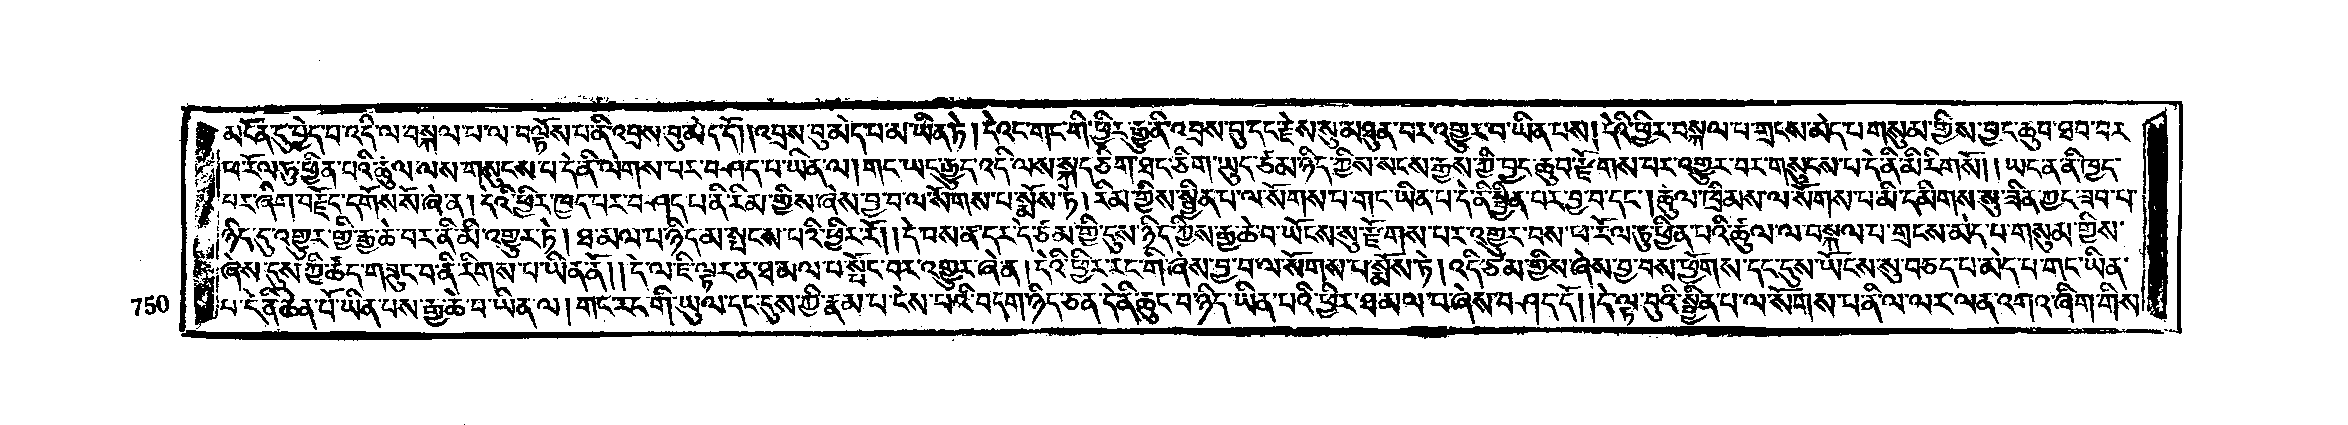མངོན་དུ་བྱེད་པ་འདི་ལ་བསྐལ་པ་ལ་བལྟོས་པ་ནི་འབྲས་བུ་མེད་དོ། །འབྲས་བུ་མེད་པ་མ་ཡིན་ཏེ། དེའང་གང་གི་ཕྱིར་རྒྱུ་ནི་འབྲས་བུ་དང་རྗེས་སུ་མཐུན་པར་འགྱུར་བ་ཡིན་པས། དེའི་ཕྱིར་བསྐལ་པ་གྲངས་མེད་པ་གསུམ་གྱིས་བྱང་ཆུབ་ཐབ་བར་
ཕ་རོལ་ཏུ་ཕྱིན་པའི་ཚུལ་ལས་གསུངས་པ་དེ་ནི་ལེགས་པར་བཤད་པ་ཡིན་ལ། གང་ཡང་རྒྱུད་འདི་ལས་སྐད་ཅིག་ཐང་ཅིག་ཡུད་ཙམ་ཉིད་ཀྱིས་སངས་རྒྱས་ཀྱི་བྱང་ཆུབ་རྫོགས་པར་འགྱུར་བར་གསུངས་པ་དེ་ནི་མི་རིགས་སོ། །ཡང་ན་ནི་ཁྱད་
པར་ཞིག་བརྗོད་དགོས་སོ་ཞེ་ན། དེའི་ཕྱིར་ཁྱད་པར་བཤད་པ་ནི་རིམ་གྱིས་ཞེས་བྱ་བ་ལ་སོགས་པ་སྨོས་ཏེ། རིམ་གྱིས་སྦྱིན་པ་ལ་སོགས་པ་གང་ཡིན་པ་དེ་ནི་སྦྱིན་པར་བྱ་བ་དང་། ཚུལ་ཁྲིམས་ལ་སོགས་པ་མི་དམིགས་སུ་ཟིན་ཀྱང་ཟབ་པ་
ཉིད་དུ་འགྱུར་གྱི་རྒྱ་ཆེ་བར་ནི་མི་འགྱུར་ཏེ། ཐ་མལ་པ་ཉིད་མ་སྤངས་པའི་ཕྱིར་རོ། །དེ་བས་ན་དར་དེ་ཙམ་གྱི་དུས་ཉིད་ཀྱིས་རྒྱ་ཆེ་བ་ཡོངས་སུ་རྫོགས་པར་འགྱུར་བས་ཕ་རོལ་ཏུ་ཕྱིན་པའི་ཚུལ་ལ་བསྐལ་པ་གྲངས་མེད་པ་གསུམ་གྱིས་
ཞེས་དུས་ཀྱི་ཚད་གཟུང་བ་ནི་རིགས་པ་ཡིན་ནོ། །དེ་ལ་ཇི་ལྟར་ན་ཐ་མལ་པ་སྤོང་བར་འགྱུར་ཞེ་ན། དེའི་ཕྱིར་རང་གི་ཞེས་བྱ་བ་ལ་སོགས་པ་སྨོས་ཏེ། འདི་ཙམ་གྱིས་ཞེས་བྱ་བས་ཕྱོགས་དང་དུས་ཡོངས་སུ་བཅད་པ་མེད་པ་གང་ཡིན་
པ་དེ་ནི་ཆེན་པོ་ཡིན་པས་རྒྱ་ཆེ་བ་ཡིན་ལ། གང་རང་གི་ཡུལ་དང་དུས་ཀྱི་རྣམ་པ་ངེས་པའི་བདག་ཉིད་ཅན་དེ་ནི་ཆུང་བ་ཉིད་ཡིན་པའི་ཕྱིར་ཐ་མལ་པ་ཞེས་བཤད་དོ། །དེ་ལྟ་བུའི་སྦྱིན་པ་ལ་སོགས་པ་ནི་ལ་ལར་ལན་འགའ་ཞིག་གིས་